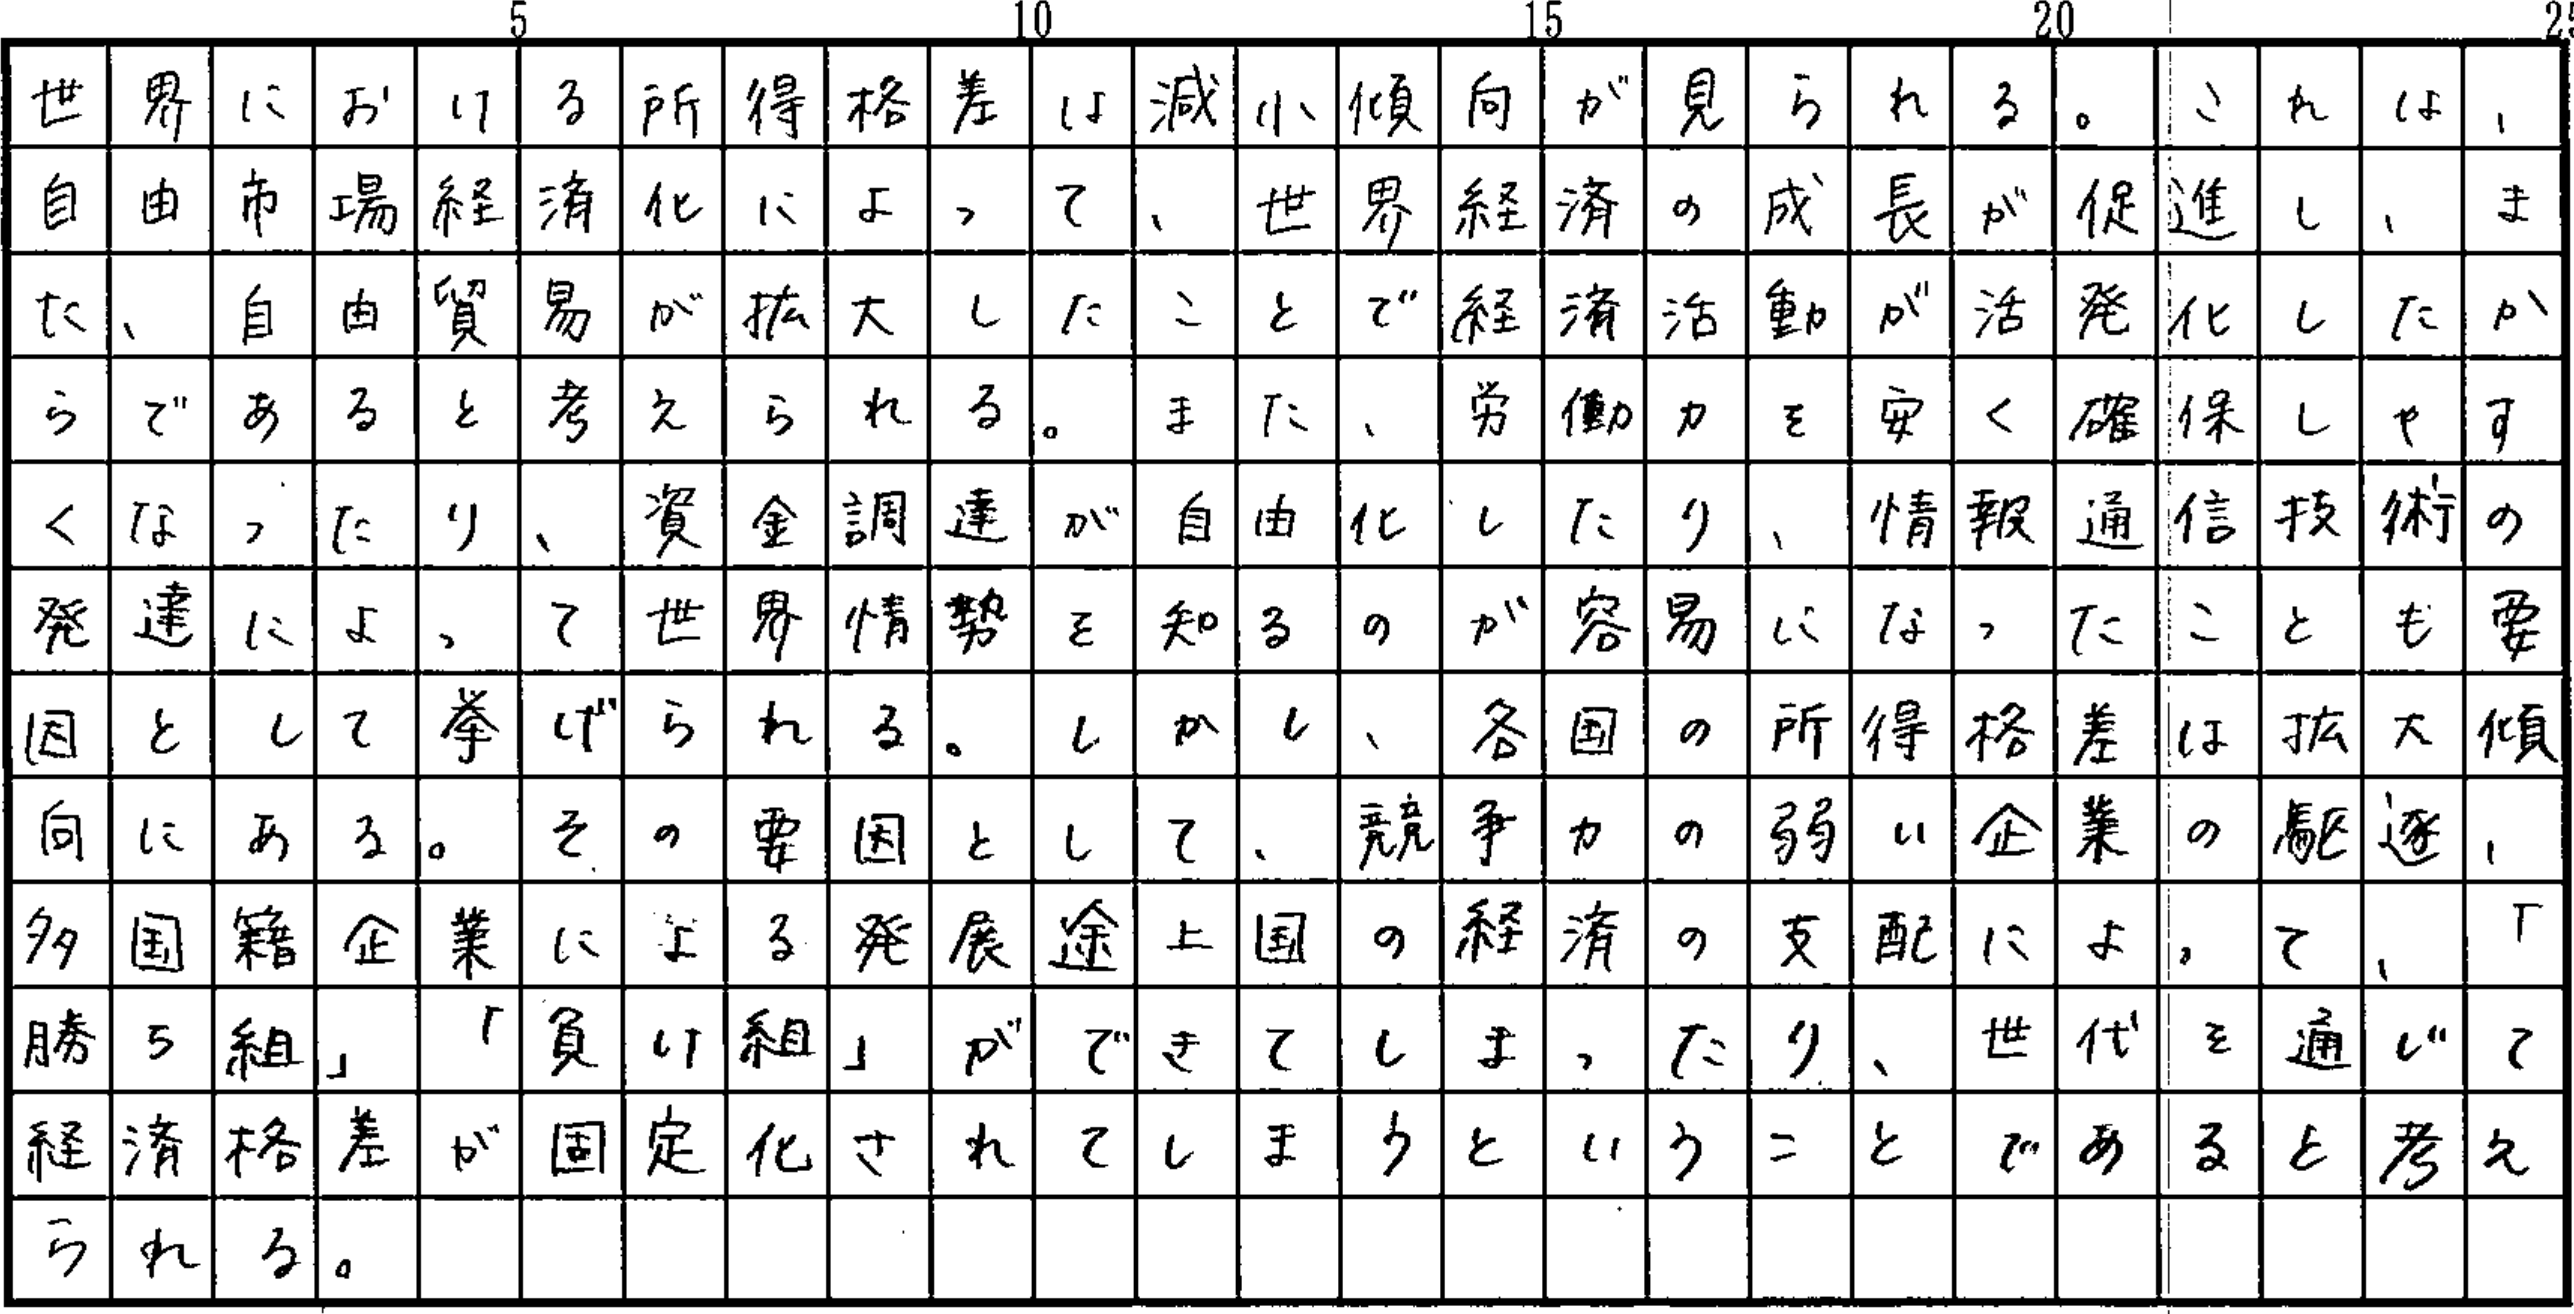世界における所得格差は減小傾向が見られる。これは、自由市場経済化によって、世界経済の成長が促進し、また、自由貿易が拡大したことで経済活動が活発化したからであると考えられる。また、労働力を安く確保しやすくなったり、資金調達が自由化したり、情報通信技術の発達によって世界情勢を知るのが容易になったことも要因として挙げられる。しかし、各国の所得格差は拡大傾向にある。その要因として、競争力の弱い企業の駆逐、多国籍企業による発展途上国の経済の支配によって、「勝ち組」「負け組」ができてしまったり、世代を通じて経済格差が固定化されてしまうということであると考えられる。
